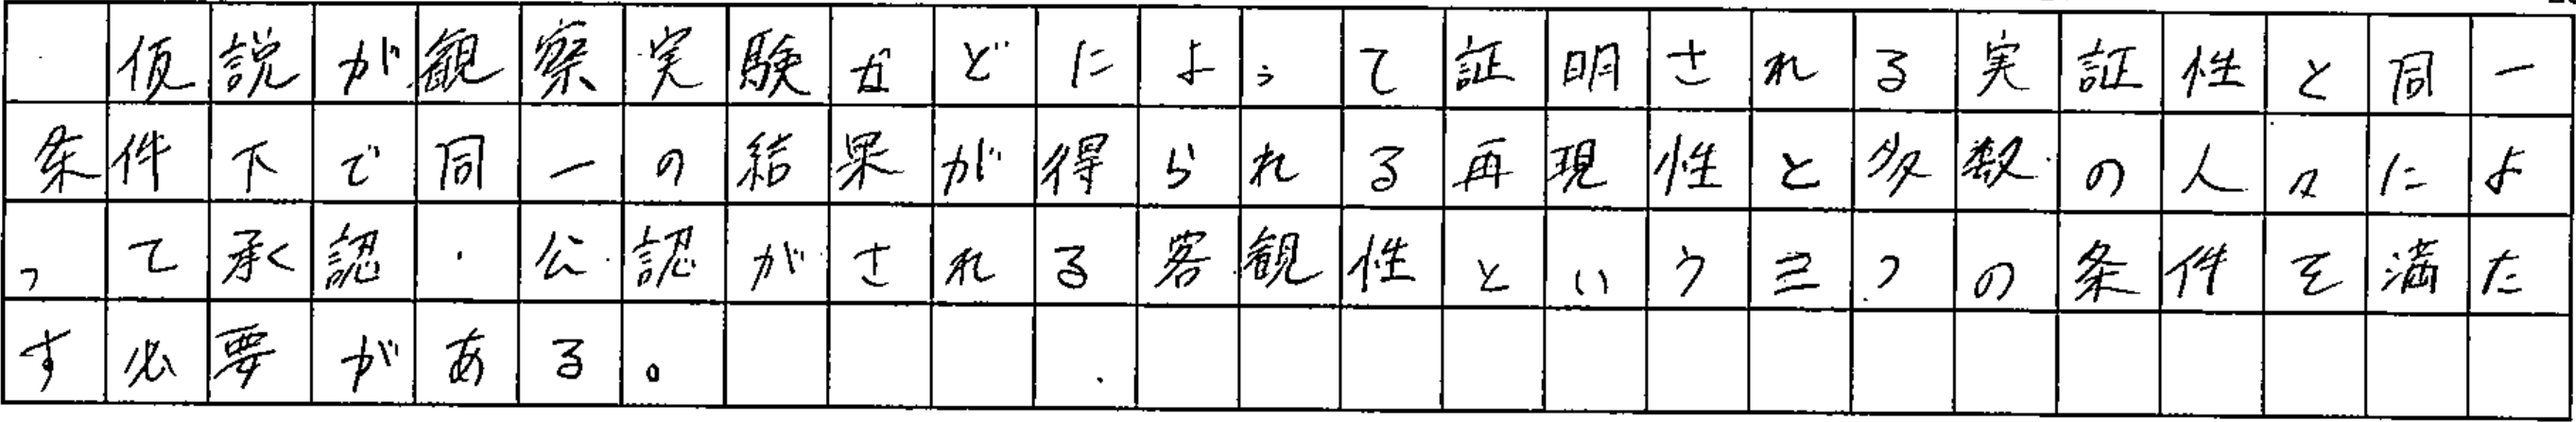　仮説が観察実験などによって証明される実証性と同一条件下で同一の結果が得られる再現性と多数の人々によって承認・公認がされる客観性という三つの条件を満たす必要がある。
